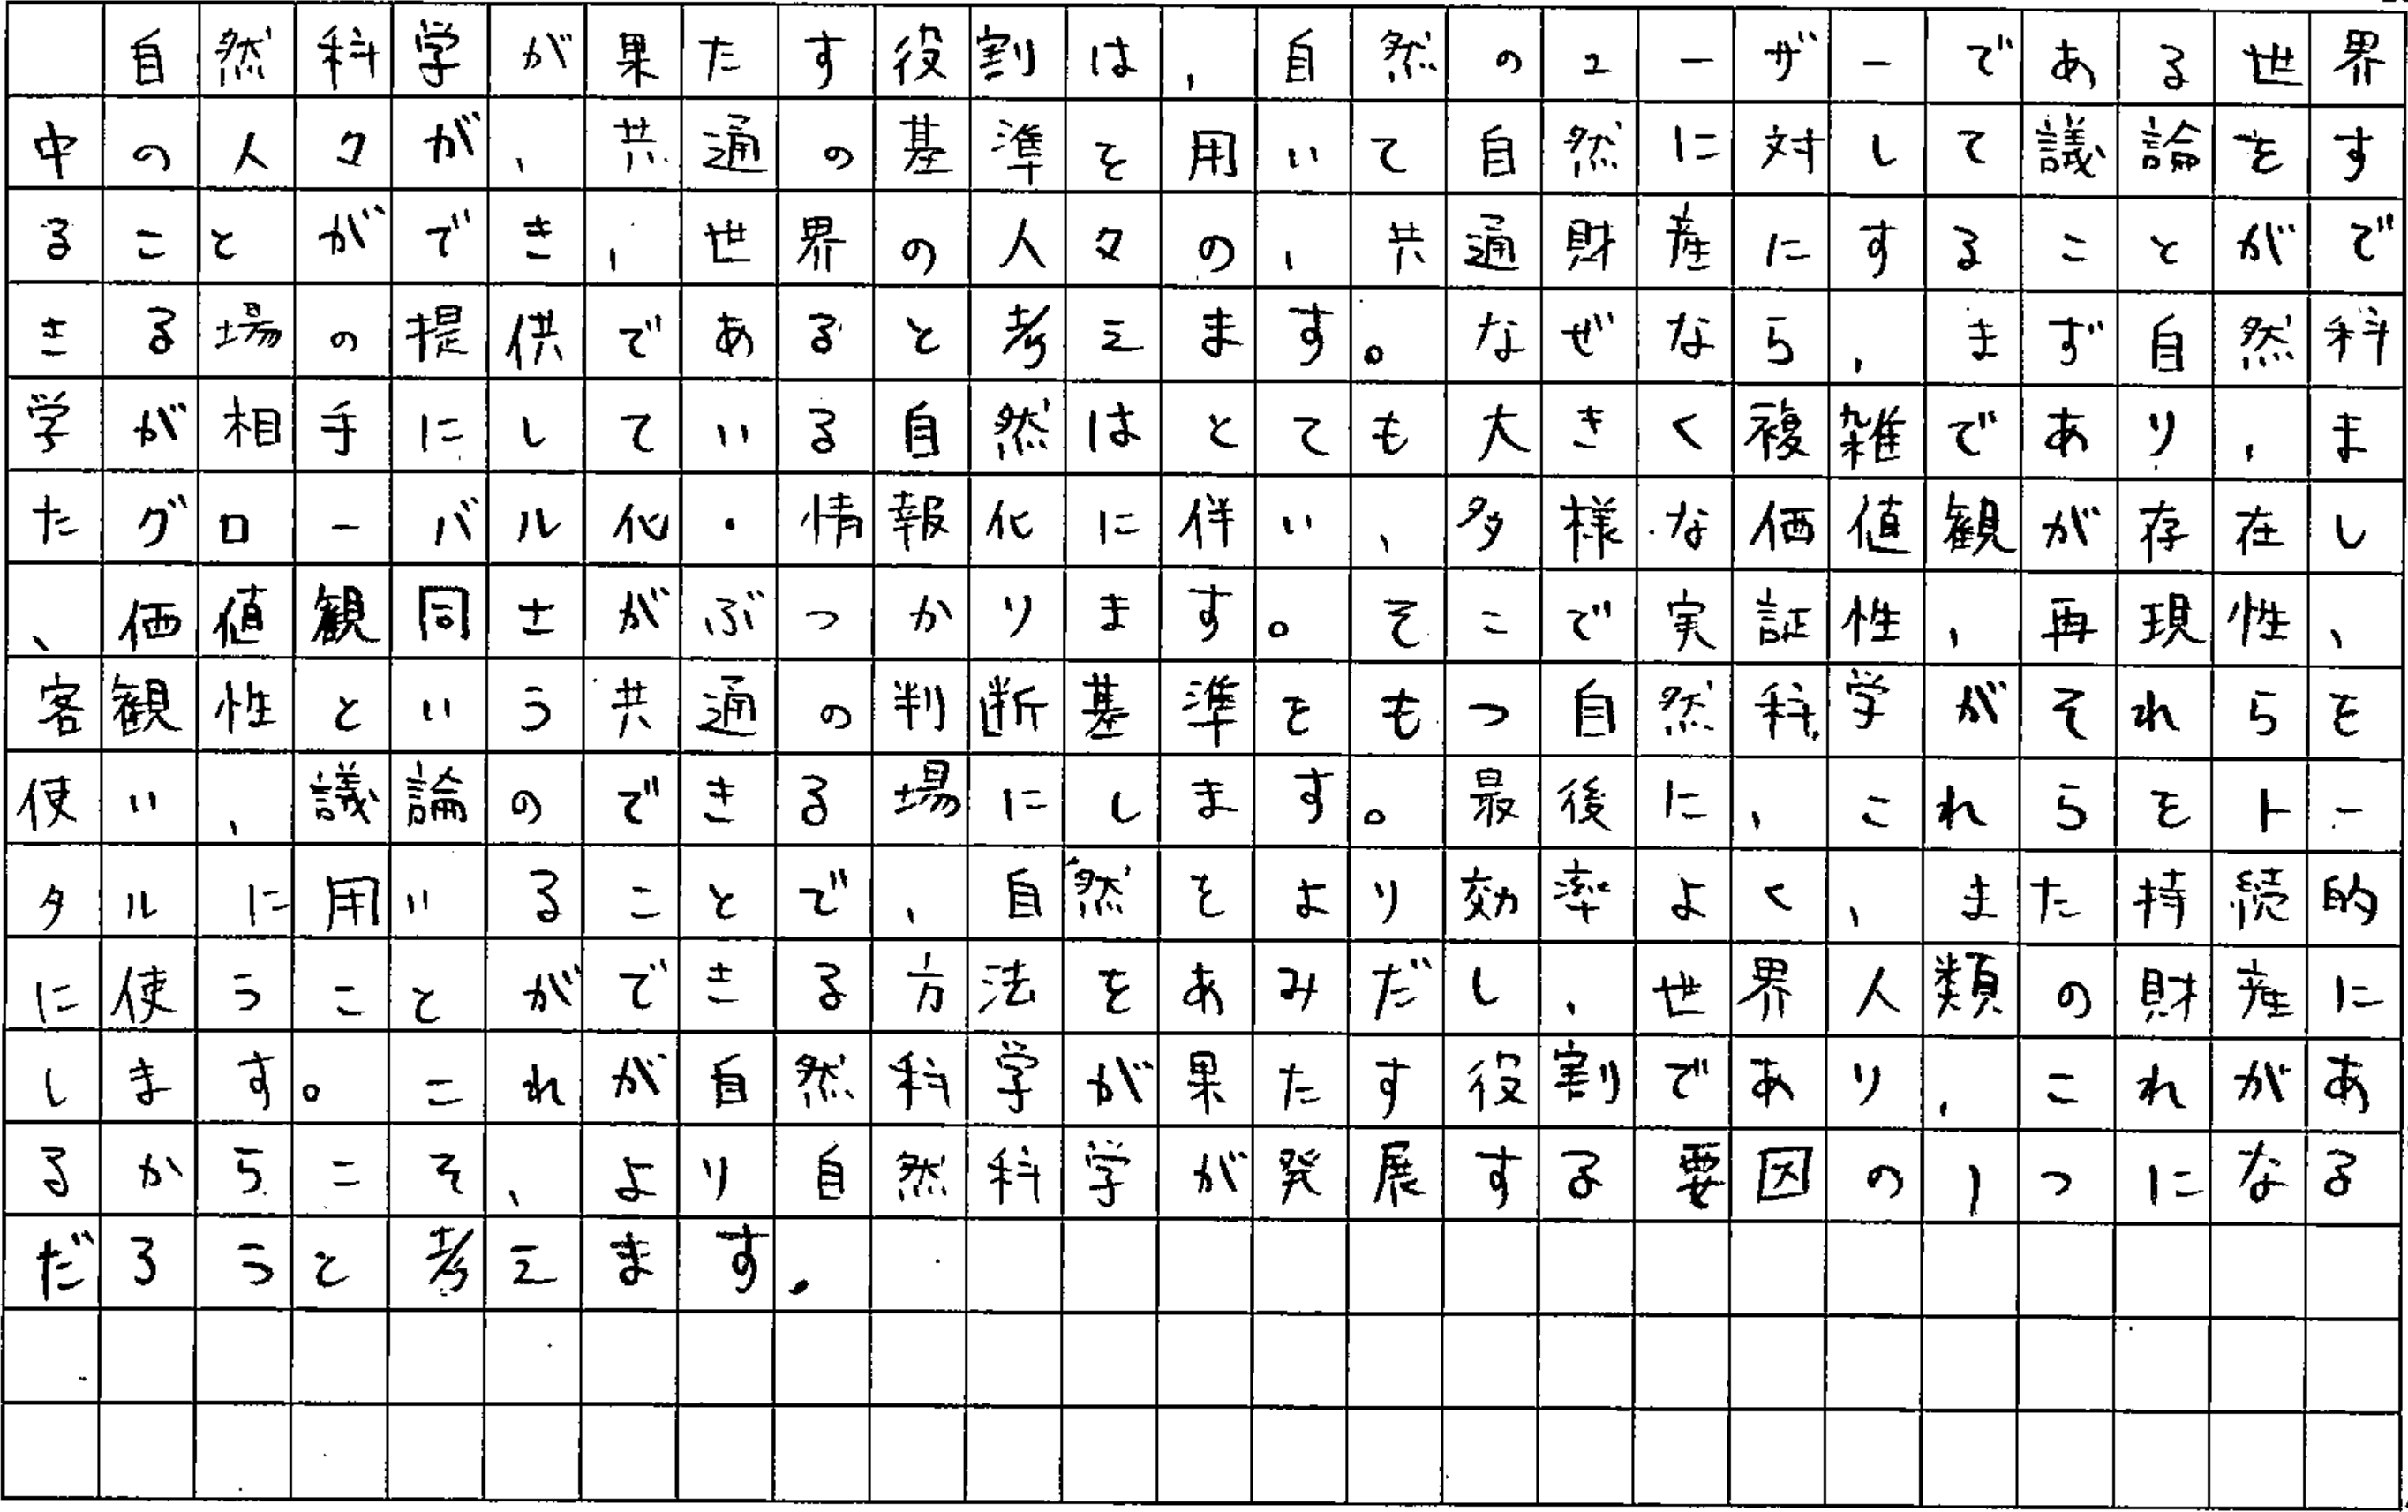　自然科学が果たす役割は、自然のユーザーである世界中の人々が、共通の基準を用いて自然に対して議論をすることができ、世界の人々の、共通財産にすることができる場の提供であると考えます。なぜなら、まず自然科学が相手にしている自然はとても大きく複雑であり、またグローバル化・情報化に伴い、多様な価値観が存在し、価値観同士がぶつかります。そこで実証性、再現性、客観性という共通の判断基準をもつ自然科学がそれらを使い、議論のできる場にします。最後に、これらをトータルに用いることで、自然をより効率よく、また持続的に使うことができる方法をあみだし、世界人類の財産にします。これが自然科学が果たす役割であり、これがあるからこそ、より自然が発展する要因の１つになるだろうと考えます。
